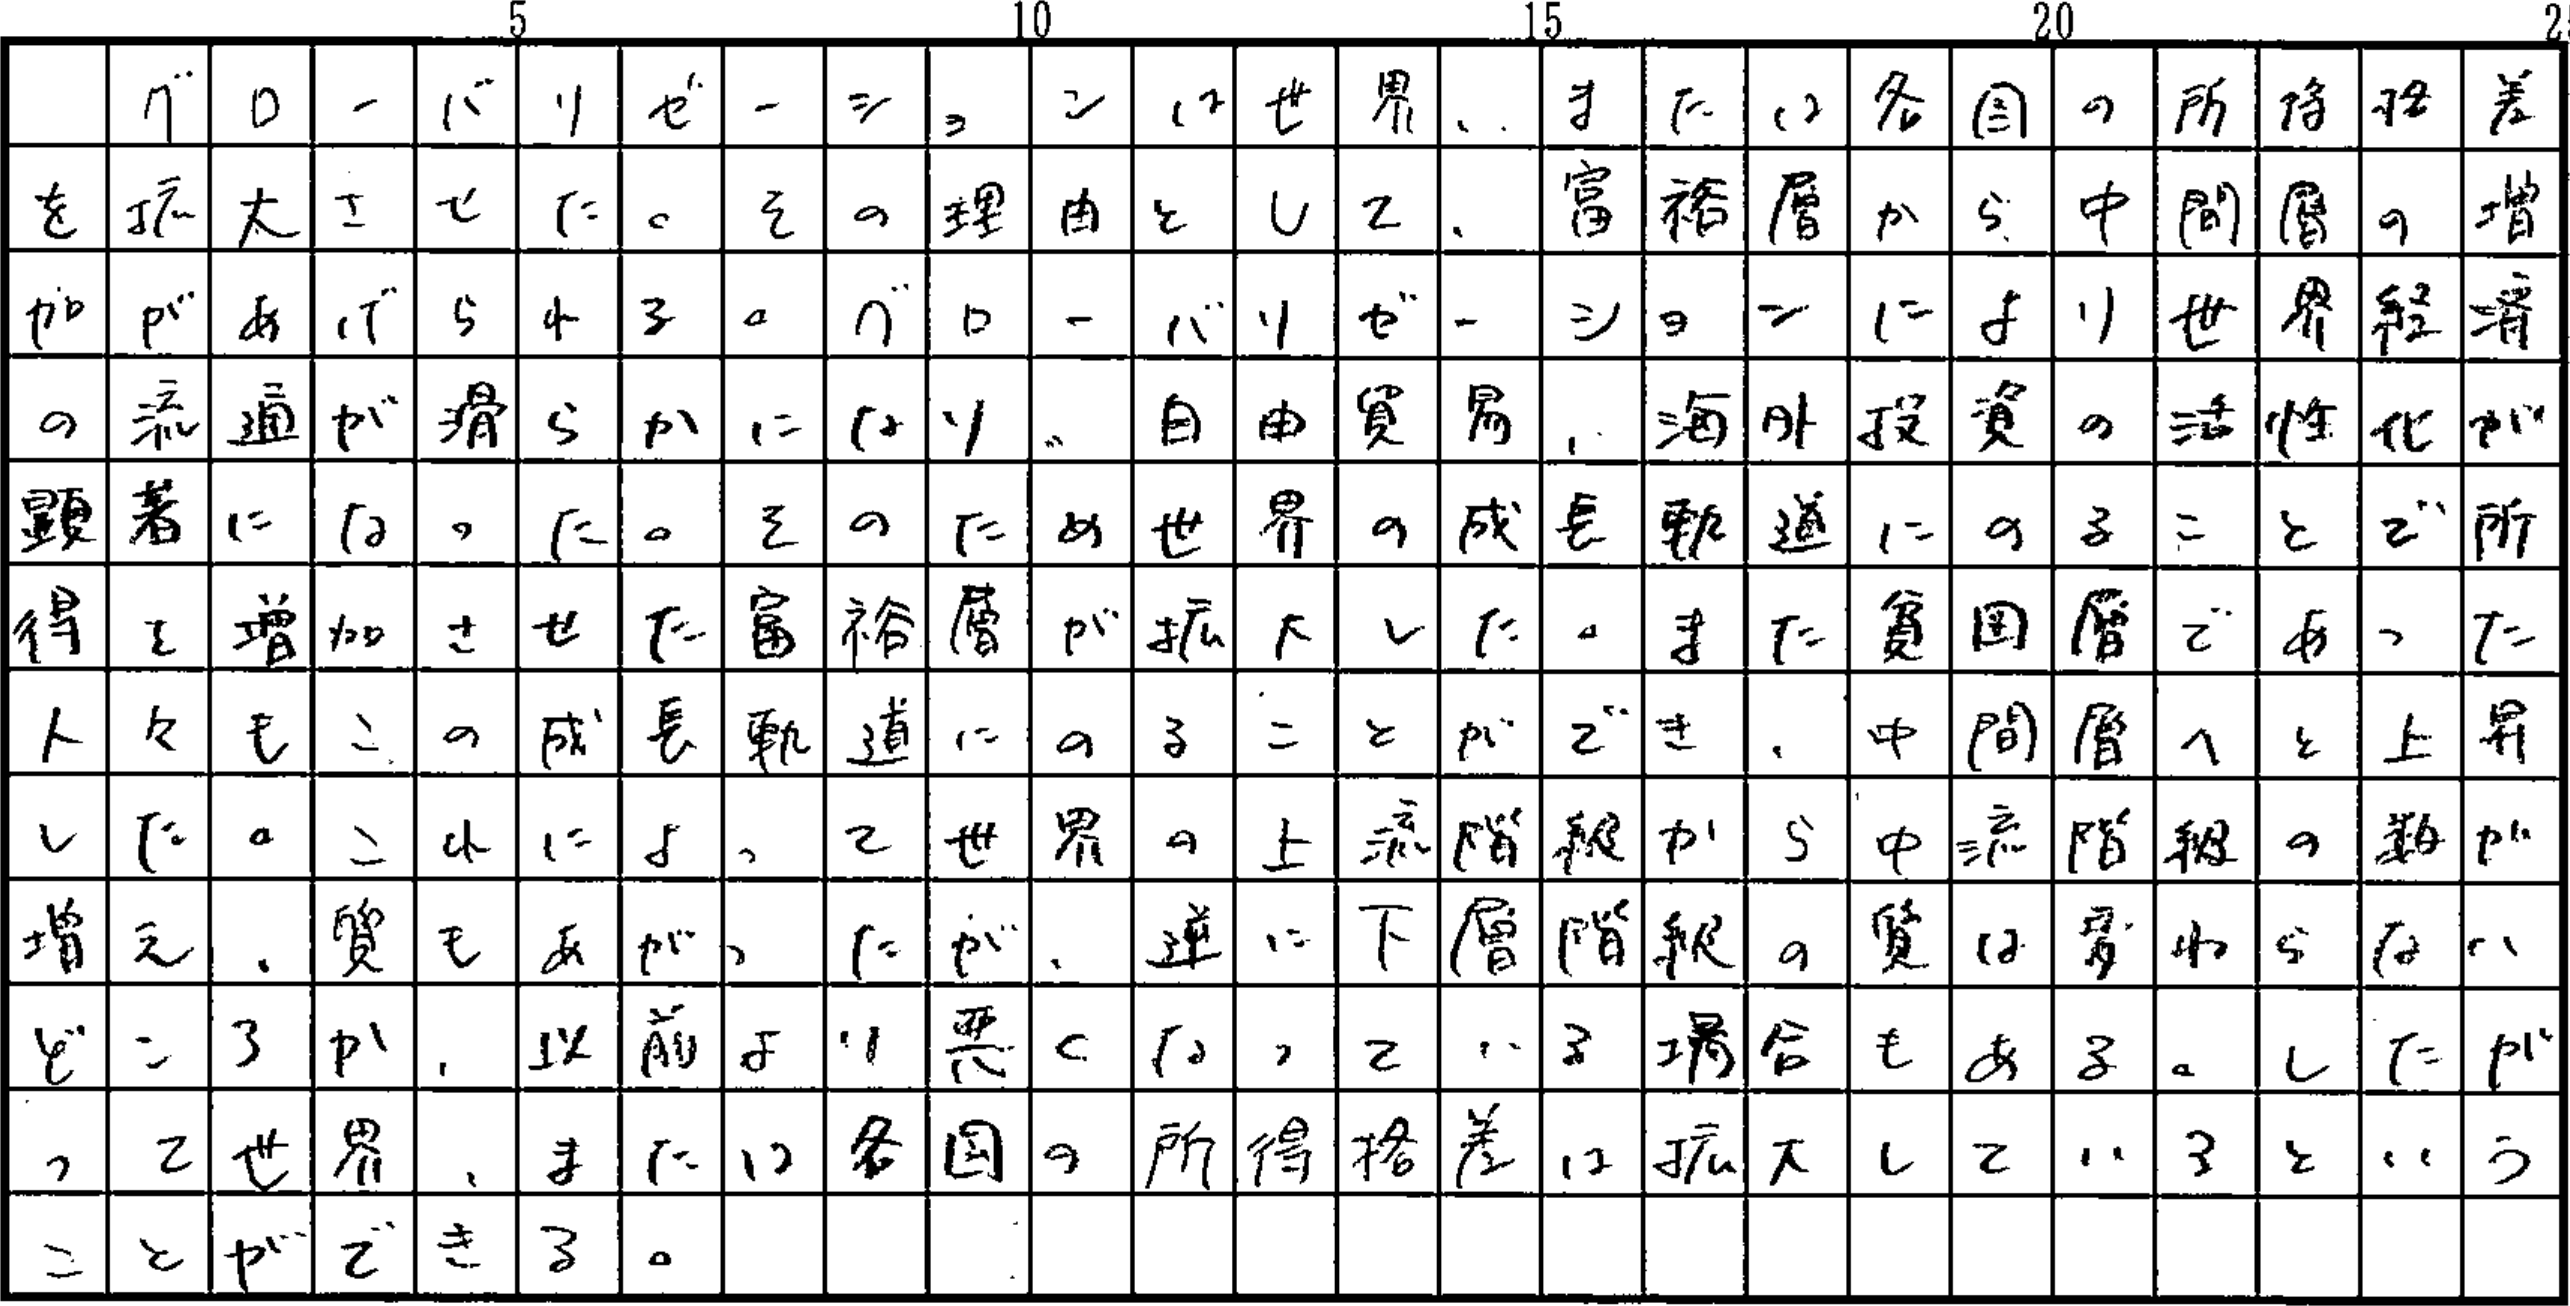　グローバリゼーションは世界、または各国の所得格差を拡大させた。その理由として、富裕層から中間層の増加があげられる。グローバリゼーションにより世界経済の流通が滑らかになり、自由貿易、海外投資の活性化が顕著になった。そのため世界の成長軌道にのることで所得を増加させた富▁層が拡大した。また貧困層であった人々もこの成長軌道にのることができ中間層へと上昇した。これによって世界の上流階級から中流階級の数が増え、質も上がったが、逆に下層階級の質は変わらないどころか、以前より悪くなっている場合もある。したがって世界、または各国の所得格差は拡大しているということができる。
